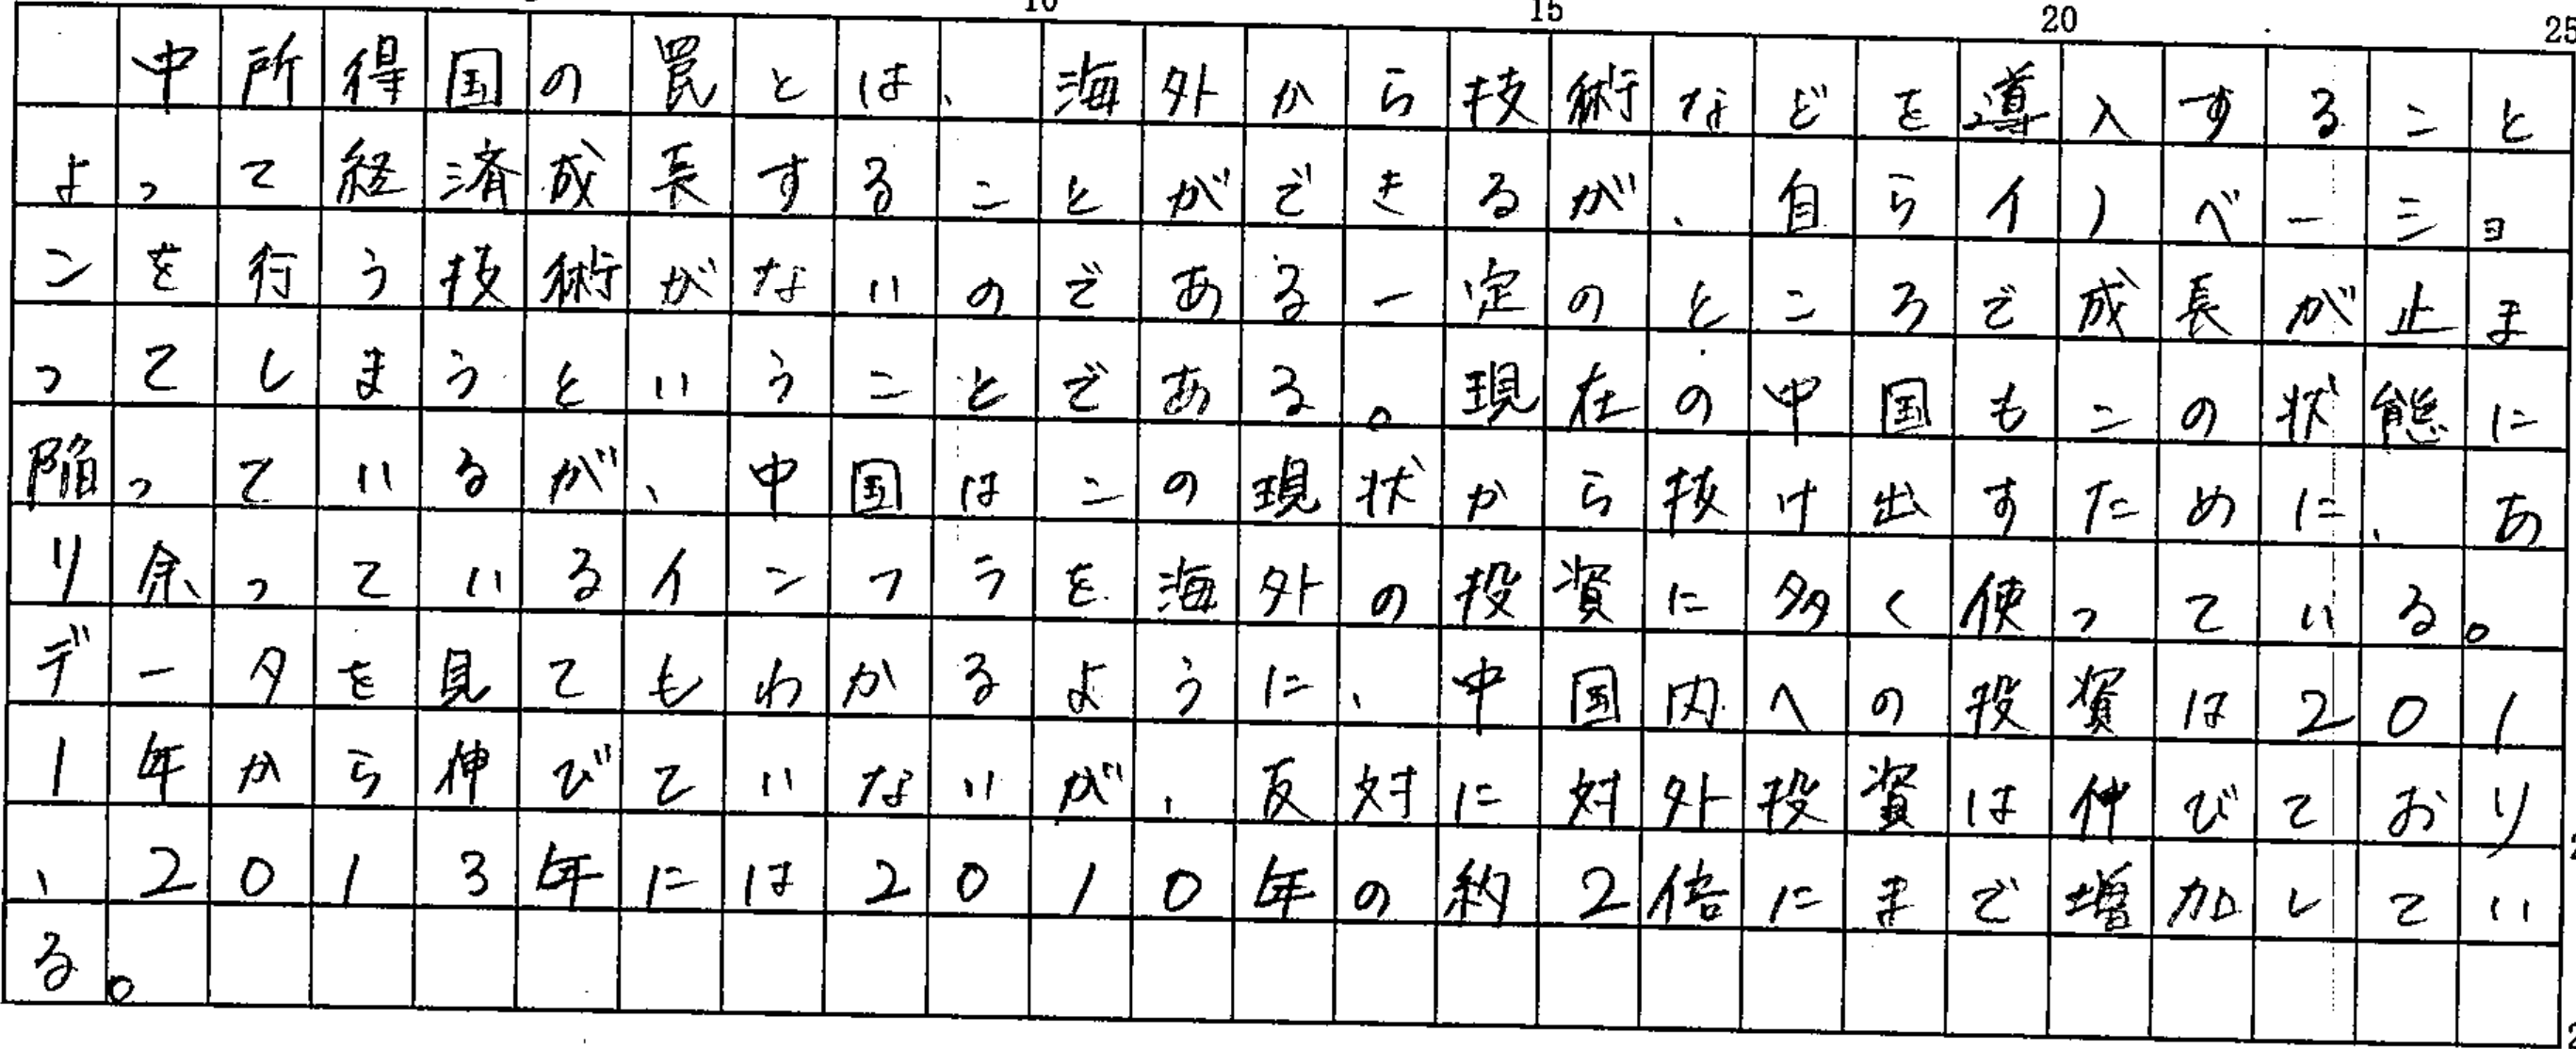　中所得国の罠とは、海外から技術などを導入することよって経済成長することができるが、自らイノベーションを行う技術がないのである一定のところで成長が止まってしまうということである。現在の中国もこの状態に陥っているが、中国はこの現状から抜け出すために、あり余っているインフラを海外の投資に多く使っている。データを見てもわかるように、中国内への投資は２０１１年から伸びていないが、反対に対外投資は伸びており、２０１３年には２０１０年の約２倍にまで増加している。
